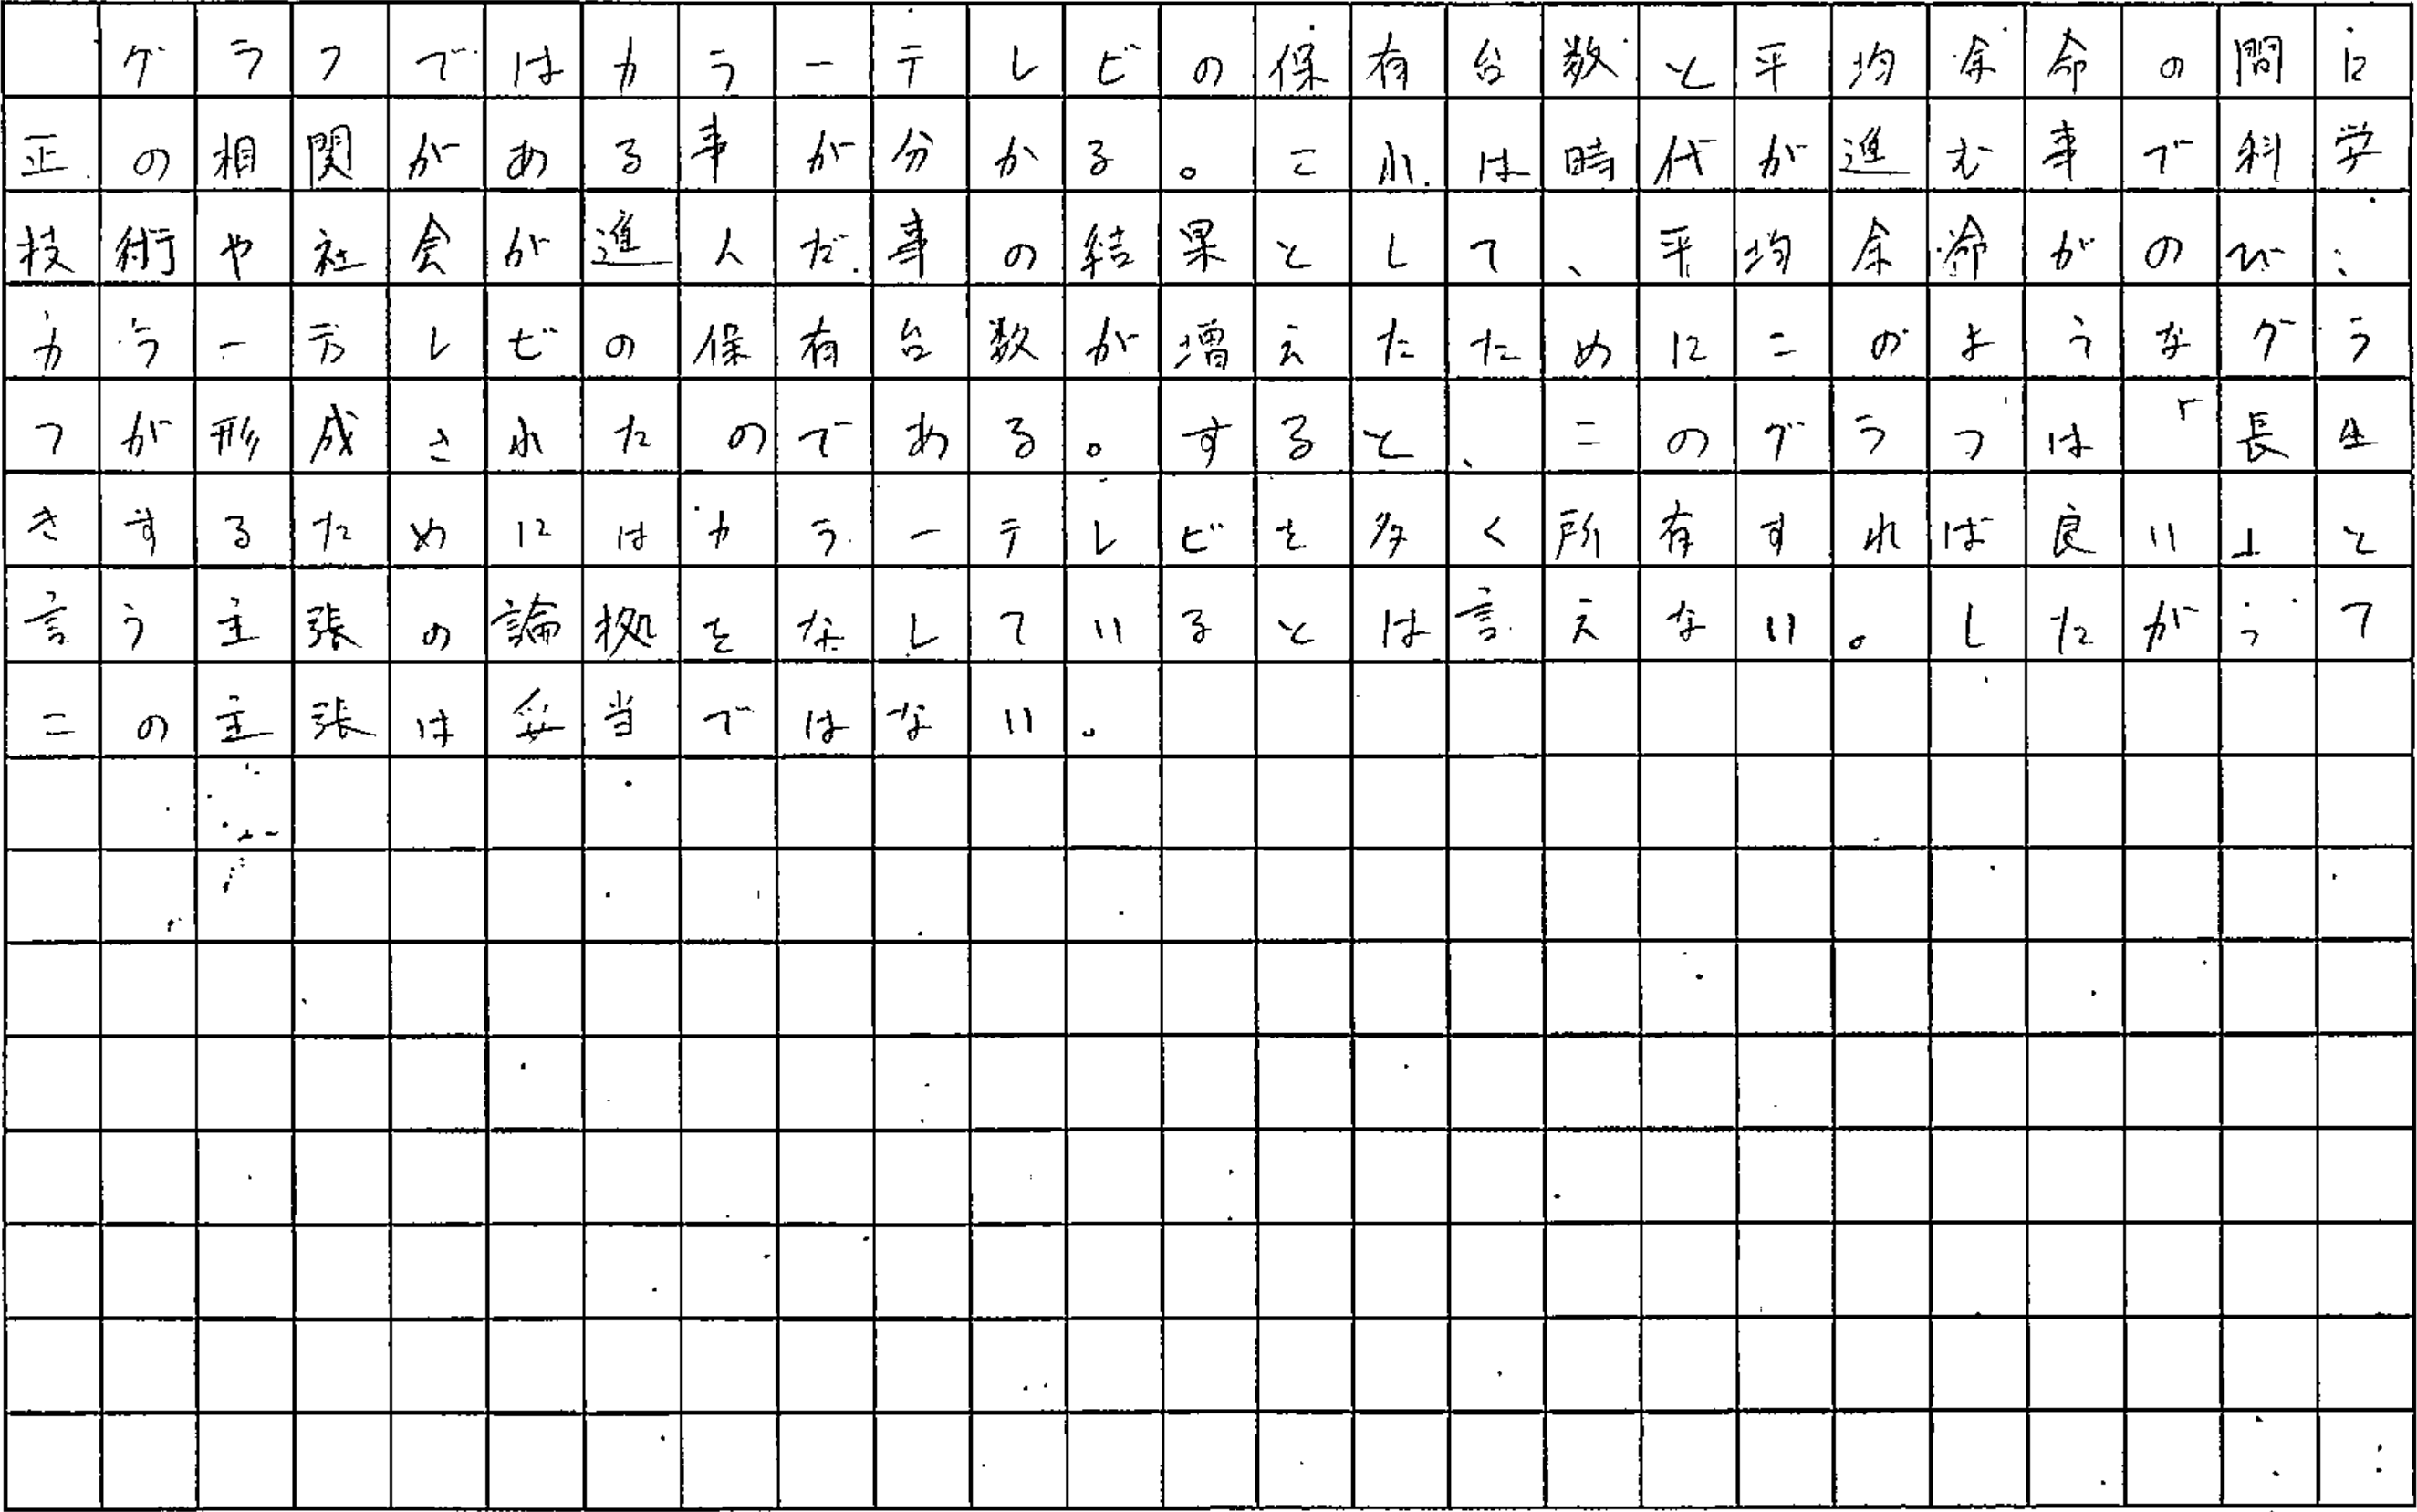　グラフではカラーテレビの保有台数と平均余命の間に正の相関がある事が分かる。これは時代が進む事で科学技術や社会が進んだ事の結果として、平均余命がのび、カラーテレビの保有台数が増えたためにこのようなグラフが形成されたのである。すると、このグラフは「長生きするためにはカラーテレビを多く所有すれば良い」と言う主張の論拠をなしているとは言えない。したがってこの主張は妥当ではない。
